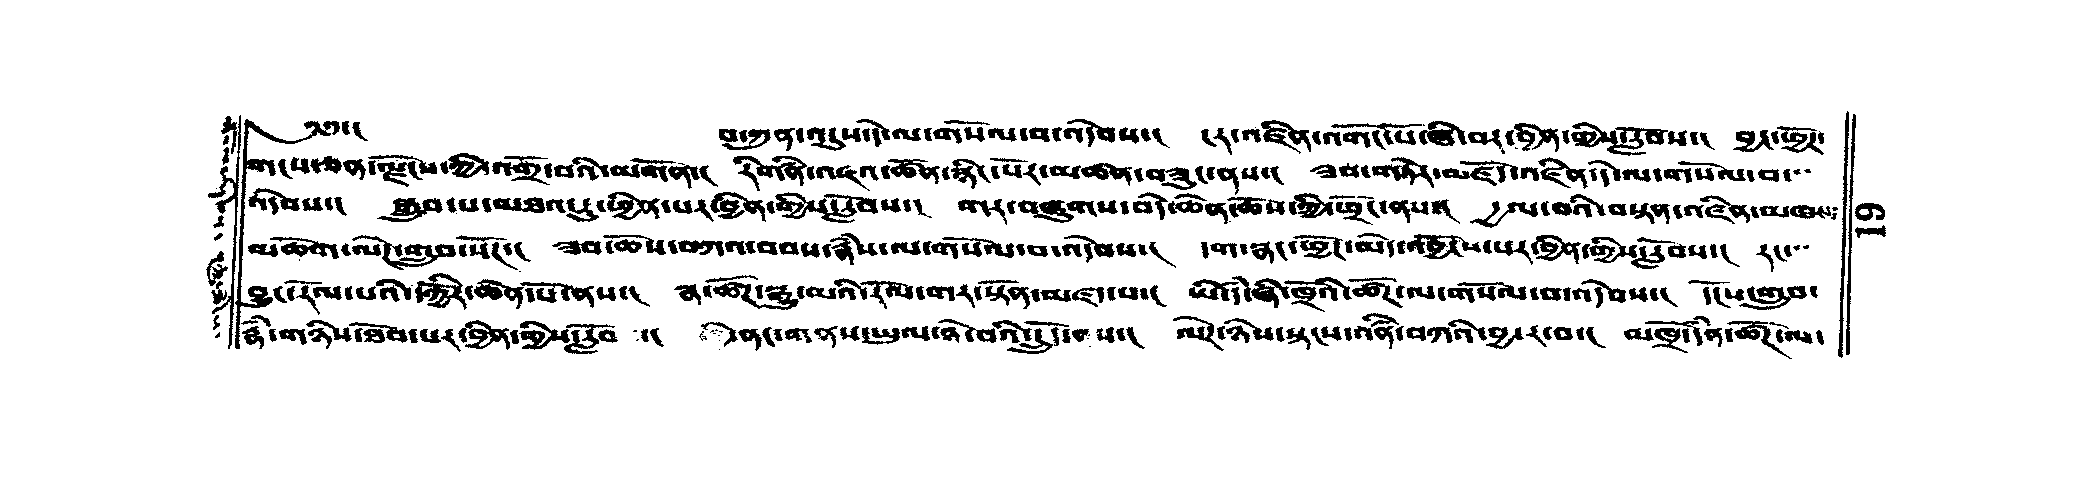བ་ཀུན་འདུས་དེ་ལ་གསོལ་བ་འདེབས། །ངར་འཛིན་འགོང་པོ་ཞི་བར་བྱིན་གྱིས་རློབས། །བྱང་ཕྱོགས་
གངས་ཅན་ལྗོངས་ཀྱི་འགྲོ་བའི་མགོན། །རིག་འཛིན་འཇའ་ཚོན་སྙིང་པོར་མཚན་བཟུང་ནས། །ཟབ་གཏེར་མཛོད་འཛིན་དེ་ལ་གསོལ་བ་
འདེབས། །སྒྲུབ་པ་མཐའ་རུ་ཕྱིན་པར་བྱིན་གྱིས་རློབས། །གར་བཞུགས་བདེ་ཆེན་ཆོས་ཀྱི་ཕོ་བྲང་ནས། །རྒྱལ་བའི་བསྟན་འཛིན་མཁས་
མཆོག་ལེགས་གྲུབ་སོགས། །ཟབ་ཆོས་བཀའ་བབས་རྣམས་ལ་གསོལ་བ་འདེབས། །དག་སྣང་ཕྱོགས་མེད་འབྱོངས་པར་བྱིན་གྱིས་རློབས། །རང་
བྱུང་རོལ་པའི་དཀྱིལ་འཁོར་ཆེན་པོ་ནས། །སྣ་ཚོགས་སྒྱུ་མའི་རོལ་གར་སྟོན་མཛད་པ། །ཡི་དམ་ཞི་ཁྲོའི་ཚོགས་ལ་གསོལ་བ་འདེབས། །དངོས་གྲུབ་
རྣམ་གཉིས་ཐོབ་པར་བྱིན་གྱིས་རློབས། །ཕྱི་ནང་གནས་ཡུལ་ཉེ་བའི་དུར་ཁྲོད་ནས། །ལེགས་ཉེས་སྟངས་འཛིན་བཀའ་ཡི་བྱ་ར་བ། །མཁའ་འགྲོ་དམ་ཅན་ཚོགས་ལ་